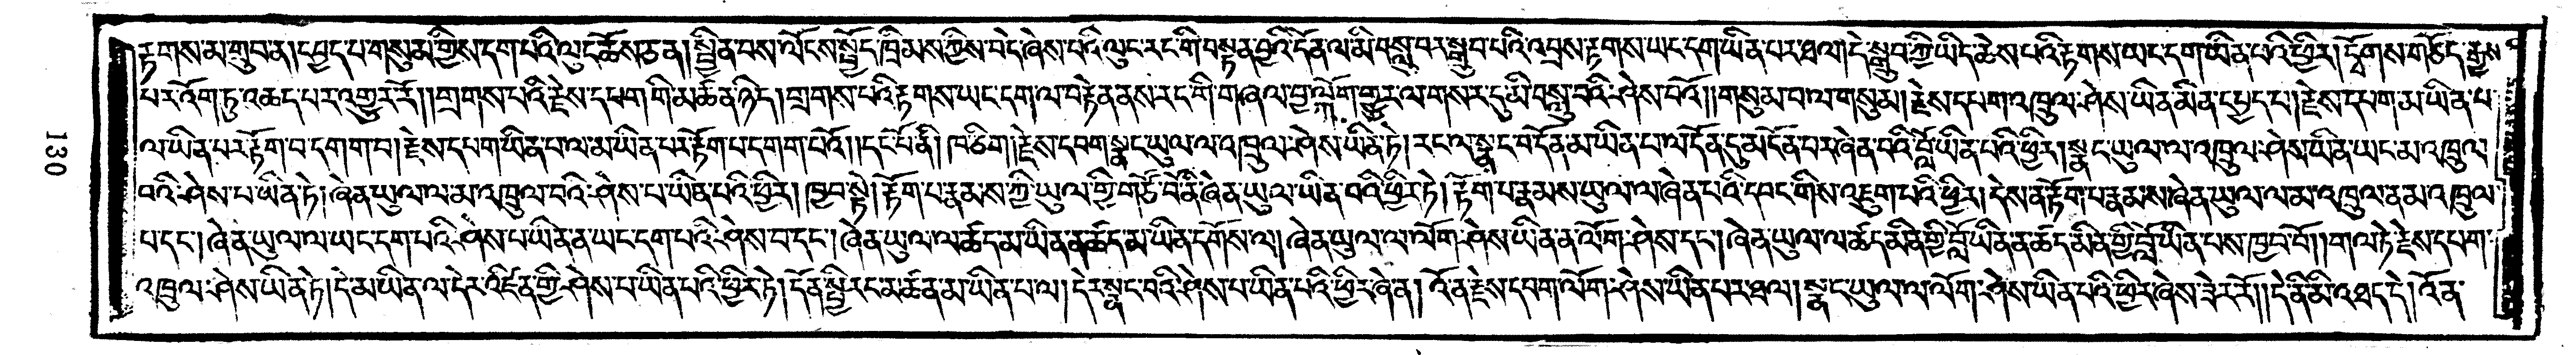རྟགས་མ་གྲུབ་ན། དཔྱད་པ་གསུམ་གྱིས་དག་པའི་ལུང་ཆོས་ཅན། སྦྱིན་པས་ལོངས་སྤྱོད་ཁྲིམས་ཀྱིས་བདེ་ཞེས་པའི་ལུང་རང་གི་བསྟན་བྱའི་དོན་ལ་མི་བསླུ་བར་སྒྲུབ་པའི་འབྲས་རྟགས་ཡང་དག་ཡིན་པར་ཐལ། དེ་སྒྲུབ་ཀྱི་ཡིད་ཆེས་པའི་རྟགས་ཡང་དག་ཡིན་པའི་ཕྱིར། {དྭོགས}་གཅོད་རྒྱས་
པར་འོག་ཏུ་འཆད་པར་འགྱུར་རོ། །གྲགས་པའི་རྗེས་དཔག་གི་མཚན་ཉིད། གྲགས་པའི་རྟགས་ཡང་དག་ལ་བརྟེན་ནས་རང་གི་གཞལ་བྱ་ལྐོག་གྱུར་ལ་གསར་དུ་མི་བསླུ་བའི་ཤེས་པའོ། །གསུམ་པ་ལ་གསུམ། རྗེས་དཔག་འཁྲུལ་ཤེས་ཡིན་མིན་དཔྱད་པ། རྗེས་དཔག་མ་ཡིན་པ་
ལ་ཡིན་པར་རྟོག་པ་དགག་པ། རྗེས་དཔག་ཡིན་པ་ལ་མ་ཡིན་པར་རྟོག་པ་དགག་པའོ། །དང་པོ་ནི་།ཁ་ཅིག །རྗེས་དཔག་སྣང་ཡུལ་ལ་འཁྲུལ་ཤེས་ཡིན་ཏེ། རང་ལ་སྣང་བ་དོན་མ་ཡིན་པ་ལ་དོན་དུ་མངོན་པར་ཞེན་པའི་བློ་ཡིན་པའི་ཕྱིར། སྣང་ཡུལ་ལ་འཁྲུལ་ཤེས་ཡིན་ཡང་མ་འཁྲུལ་
བའི་ཤེས་པ་ཡིན་ཏེ། ཞེན་ཡུལ་ལ་མ་འཁྲུལ་བའི་ཤེས་པ་ཡིན་པའི་ཕྱིར། ཁྱབ་སྟེ། རྟོག་པ་རྣམས་ཀྱི་ཡུལ་གྱི་གཙོ་བོ་ནི་ཞེན་ཡུལ་ཡིན་པའི་ཕྱིར་ཏེ། རྟོག་པ་རྣམས་ཡུལ་ལ་ཞེན་པའི་དབང་གིས་འཇུག་པའི་ཕྱིར། དེས་ན་རྟོག་པ་རྣམས་ཞེན་ཡུལ་ལ་མ་འཁྲུལ་ན་མ་འཁྲུལ་
པ་དང་། ཞེན་ཡུལ་ལ་ཡང་དག་པའི་ཤེས་པ་ཡིན་ན་ཡང་དག་པའི་ཤེས་པ་དང་། ཞེན་ཡུལ་ལ་ཚད་མ་ཡིན་ན་ཚད་མ་ཡིན་དགོས་ལ། ཞེན་ཡུལ་ལ་ལོག་ཤེས་ཡིན་ན་ལག་ཤེས་དང་། ཞེན་ཡུལ་ལ་ཚད་མིན་གྱི་བློ་ཡིན་ན་ཚད་མིན་གྱི་བློ་ཡིན་པས་ཁྱབ་བོ། །གལ་ཏེ་རྗེས་དཔག་
འཁྲུལ་ཤེས་ཡིན་ཏེ། དེ་མ་ཡིན་ལ་དེར་འཛིན་གྱི་ཤེས་པ་ཡིན་པའི་ཕྱིར་ཏེ། དོན་སྤྱི་རང་མཚན་མ་ཡིན་པ་ལ། དེར་སྣང་བའི་ཤེས་པ་ཡིན་པའི་ཕྱིར་ཞེ་ན། འོ་ན་རྗེས་དཔག་ལོག་ཤེས་ཡིན་པར་ཐལ། སྣང་ཡུལ་ལ་ལོག་ཤེས་ཡིན་པའི་ཕྱིར་ཞེས་ཟེར་རོ། །དེ་ནི་མི་འཐད་དེ། འོ་ན་